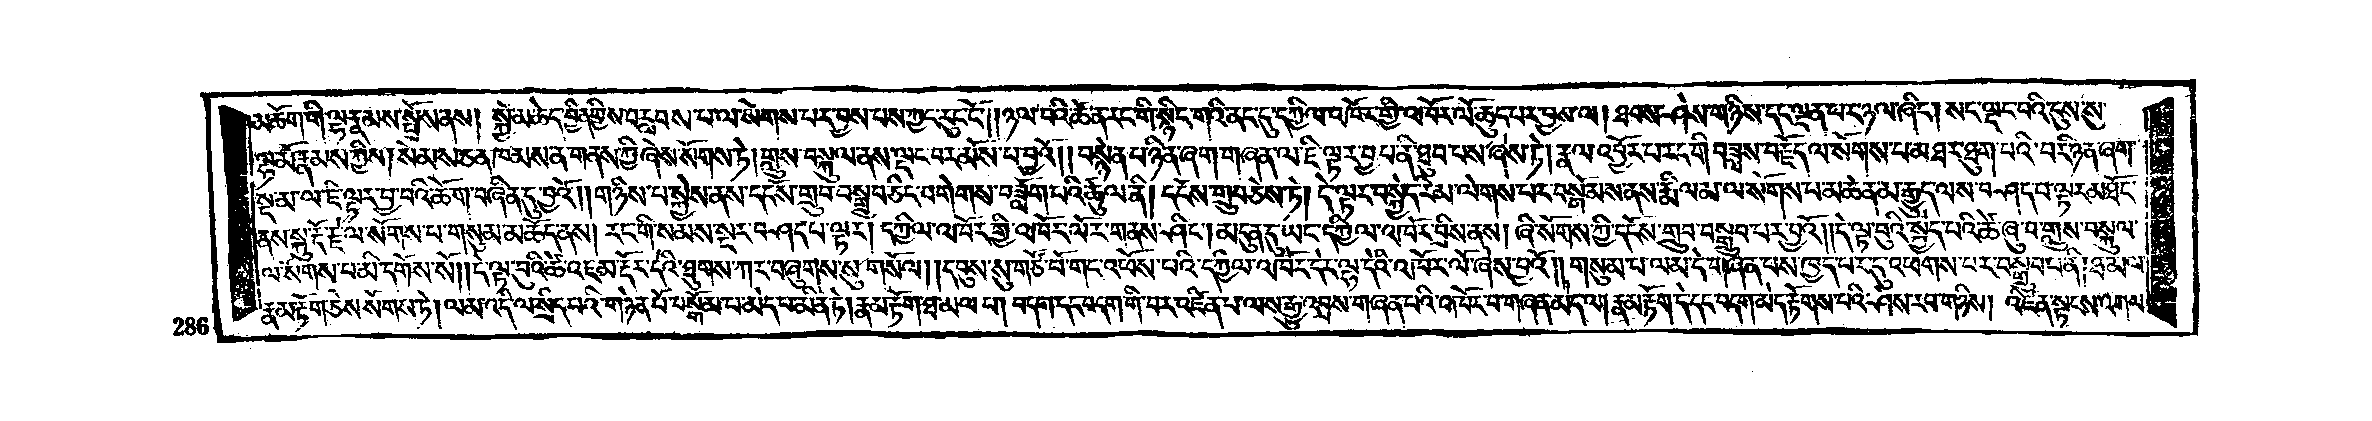མཆོག་གི་ལྷ་རྣམས་སྤྲོས་ནས། སྐྱེ་མཆེད་བྱིན་གྱིས་བརླབས་པ་ལ་སོགས་པར་བྱས་པས་ཀྱང་རུང་ངོ། །ཉལ་བའི་ཚེ་ན་རང་གི་སྙིང་གའི་ནང་དུ་དཀྱིལ་འཁོར་གྱི་འཁོར་ལོ་ཆུད་པར་བྱས་ལ། ཐབས་ཤེས་གཉིས་དང་ལྡན་པར་ཉལ་ཞིང་། སང་ལྡང་བའི་དུས་སུ་
ལྷ་མོ་རྣམས་ཀྱིས། སེམས་ཅན་ཁམས་ན་གནས་ཀྱི་ཞེས་སོགས་ཏེ། གླུས་བསྐུལ་ནས་ལྡང་བར་མོས་པ་བྱའོ། །བསྙེན་པ་ཉིན་ཞག་གཞན་ལ་ཇི་ལྟར་བྱ་བ་ནི་ཐུབ་པས་ཞེས་ཏེ། རྣལ་འབྱོར་པ་རང་གི་བཟླས་བརྗོད་ལ་སོགས་པ་མཐར་ཐུག་པའི་བར་ཉིན་ཞག་
སྔ་མ་ལ་ཇི་ལྟར་བྱ་བའི་ཆོ་ག་བཞིན་དུ་བྱའོ། །གཉིས་པ་སྐྱེས་ནས་དངོས་གྲུབ་བསྒྲུབ་ཅིང་བགེགས་བཟློག་པའི་ཚུལ་ནི། དངོས་གྲུབ་ཅེས་ཏེ། དེ་ལྟར་བསྐྱེད་རིམ་ལེགས་པར་བསྒོམས་ནས་རྨི་ལམ་ལ་སོགས་པ་མཚན་མ་རྒྱུད་ལས་བཤད་པ་ལྟར་མཐོང་
ནས་སྐུ་རྡོ་རྗེ་ལ་སོགས་པ་གསུམ་མཆོད་ནས། རང་གི་སེམས་སྔར་བཤད་པ་ལྟར། དཀྱིལ་འཁོར་གྱི་འཁོར་ལོར་གནས་ཤིང་། མདུན་དུ་ཡང་དཀྱིལ་འཁོར་བྲིས་ནས། ཞི་སོགས་ཀྱི་དངོས་གྲུབ་བསྒྲུབ་པར་བྱའོ། །དེ་ལྟ་བུའི་སྐྱེད་པའི་ཚེ་ཞུ་བ་གླུས་བསྐུལ་
ལ་སོགས་པ་མི་དོགས་སོ། །དེ་ལྟ་བུའི་ཚེ་འཇམ་རྡོར་དེའི་ཐུགས་ཀར་བཞུགས་སུ་གསོལ། །དབུས་སུ་གཙོ་བོ་གང་འཕོས་པའི་དཀྱིལ་འཁོར་དེར་ལྷ་དེའི་འཁོར་ལོ་ཞེས་བྱའོ། །གསུམ་པ་ལམ་དེ་གཞན་པས་ཁྱད་པར་དུ་འཕགས་པར་བསྒྲུབ་པ་ནི། ཐ་མལ་
རྣམ་རྟོག་ཅེས་སོགས་ཏེ། ལམ་འདི་ལ་སྲིད་པའི་གཉེན་པོ་བསྒོམ་པ་མེད་པ་མིན་ཏེ། རྣམ་རྟོག་ཐ་མལ་པ། བདག་དང་བདག་གི་བར་འཛིན་པ་ལས་རྒྱུ་འབྲས་གཞན་པའི་འཁོར་བ་གཞན་མེད་ལ། རྣམ་རྟོག་དེ་དང་བདག་མེད་རྟོགས་པའི་ཤེས་རབ་གཉིས། འཛིན་སྟངས་འགལ་